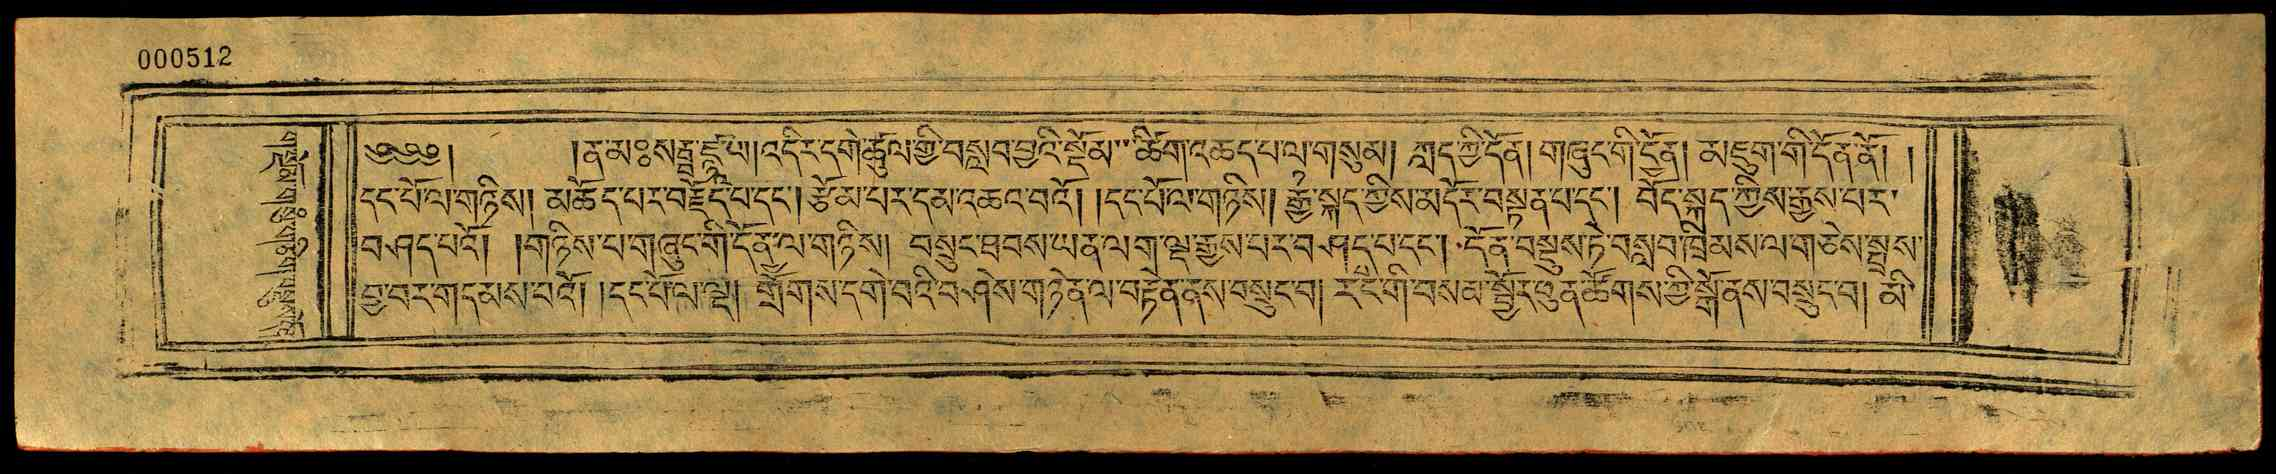༄༅༅། །ན་མཿ སརྦྦ་ཛྙ་ཡ། འདིར་དགེ་ཚུལ་གྱི་བསླབ་བྱའི་སྡོམ་ཚིག་འཆད་པ་ལ་གསུམ། སླད་ཀྱི་དོན། གཞུང་གི་དོན། མཇུག་གི་དོན་ནོ། །
དང་པོ་ལ་གཉིས། མཆོད་པར་བརྗོད་པ་དང་། རྩོམ་པར་དམ་འཆའ་བའོ། །དང་པོ་ལ་གཉིས། རྒྱ་སྐད་ཀྱིས་མདོར་བསྟན་པ་དང་། བོད་སྐད་ཀྱིས་རྒྱས་པར་
བཤད་པའོ། །གཉིས་པ་གཞུང་གི་དོན་ལ་གཉིས། བསྲུང་ཐབས་ཡན་ལག་ལྔ་རྒྱས་པར་བཤད་པ་དང་། དོན་བསྡུས་ཏེ་བསླབ་ཁྲིམས་ལ་གཅེས་སྤྲས་
བྱ་བར་གདམས་པའོ། །དང་པོ་ལ་ལྔ། གྲོགས་དགེ་བའི་བཤེས་གཉེན་ལ་བརྟེན་ནས་བསྲུང་བ། རང་གི་བསམ་སྦྱོར་ཕུན་ཚོགས་ཀྱི་སྒོ་ནས་བསྲུང་བ། མི་